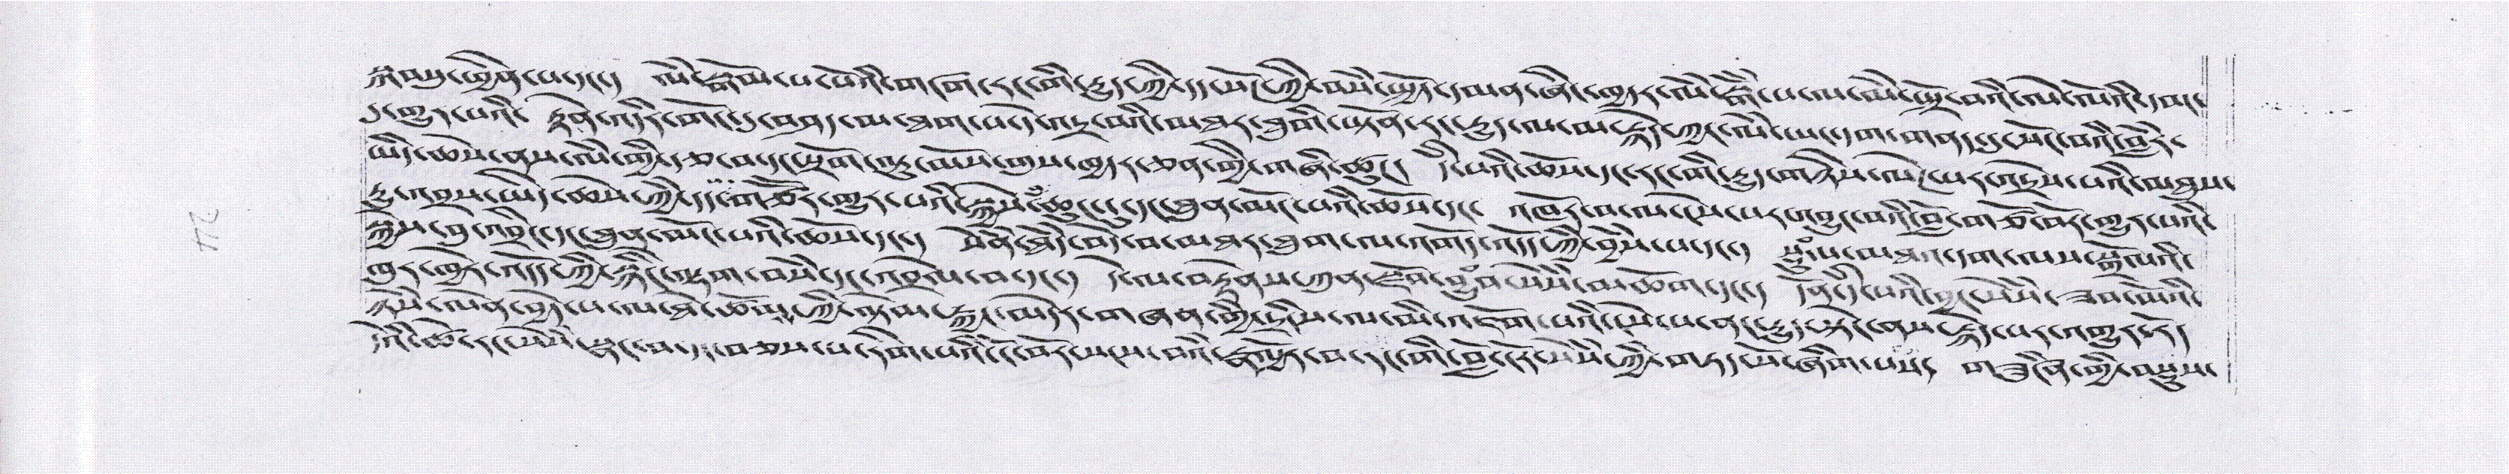སྐབས་སུ་ཕྱིན་པ་དང་། ལམ་སྒོམ་པ་པོའི་གང་ཟག་རང་གི་རྒྱུད་ཀྱི་དད་སོགས་ཀྱི་བསམ་སྤྱོད་དམན་ཞིང་ཁྱད་པར་ལམ་བསྒོམ་པ་ལ་མི་སྤྲོ་བའི་ལེ་ལོའི་དབང་
དུ་གྱུར་པའི་རྟེན་འདིར་གོང་དུ་བཤད་པ་མ་ཐག་པ་དེ་འདྲ་བའི་མཐར་ཐུག་གི་ཡོན་ཏན་རང་རྒྱུད་ལ་མ་རྙེད་ཀྱང་ལམ་ཡང་དག་གནད་དུ་སོང་བའི་བླ་མར་
ཡིད་ཆེས་ནས་ལམ་གྱི་རྩ་བ་དང་སྲོག་ལྟ་བུ་མོས་གུས་ཁྱད་པར་ཅན་གྱི་གཞི་ཚུགས། དམ་པའི་ཆོས་དང་རང་གི་རྒྱུད་གཉིས་ལེགས་པར་འདྲེས་པའི་མཐུས་
རྒྱུ་འབྲས་ཡིད་ཆེས་ཀྱི་དད་པ་གཙོ་བོར་གྱུར་པའི་སྐྱེས་བུ་ཆུང་ངུ་དང་ཐུན་མོང་བའི་ཆོས་དང་འཁོར་བ་ལ་ངེས་པར་འབྱུང་བའི་བློ་གཙོ་བོར་གྱུར་པའི་
སྐྱེས་བུ་འབྲིང་དང་ཐུན་མོང་བའི་ཆོས་དང་། སེམས་ཅན་ཐམས་ཅད་བདེ་བ་མཐར་ཐུག་ལ་འགོད་འདོད་ཀྱི་བྱམས་པ་དང་། སྡུག་བསྔལ་མཐའ་དག་ལས་སྒྲོལ་བའི་
ཁུར་འཁྱེར་འདོད་ཀྱི་སྙིང་རྗེ་ལྷག་བསམ་དང་འབྲེལ་བ་དང་། དེ་ལ་བརྟེན་ནས་ཀུན་རྫོབ་བྱང་ཆུབ་སེམས་མཆོག་དང་། དོན་དམ་པའི་བྱང་སེམས་ཟབ་མོའི་
ཉམས་ལེན་བྱེད་པ་ལ་ཐེ་ཚོམ་གྱི་ལྡེམ་རྐྱང་མེད་པར་གཞན་གྱི་དྲིངས་ལ་མི་འཇོག་པའི་ངེས་པ་ནང་རྒྱུད་སྟེང་ནས་རྙེད་པར་འགྱུར་རོ། 
དེའི་ཚེ་རང་སེམས་སྣང་བ་དང་བཅས་པ་རིག་པའི་ངོ་བོར་སངས་པའི་རྣལ་འབྱོར་པ་རང་གི་བློ་ངོར་སེམས་ཀྱི་གཏད་སོ་ཞིག་པས། གཟུང་འཛིན་གྱི་བསྡུས་